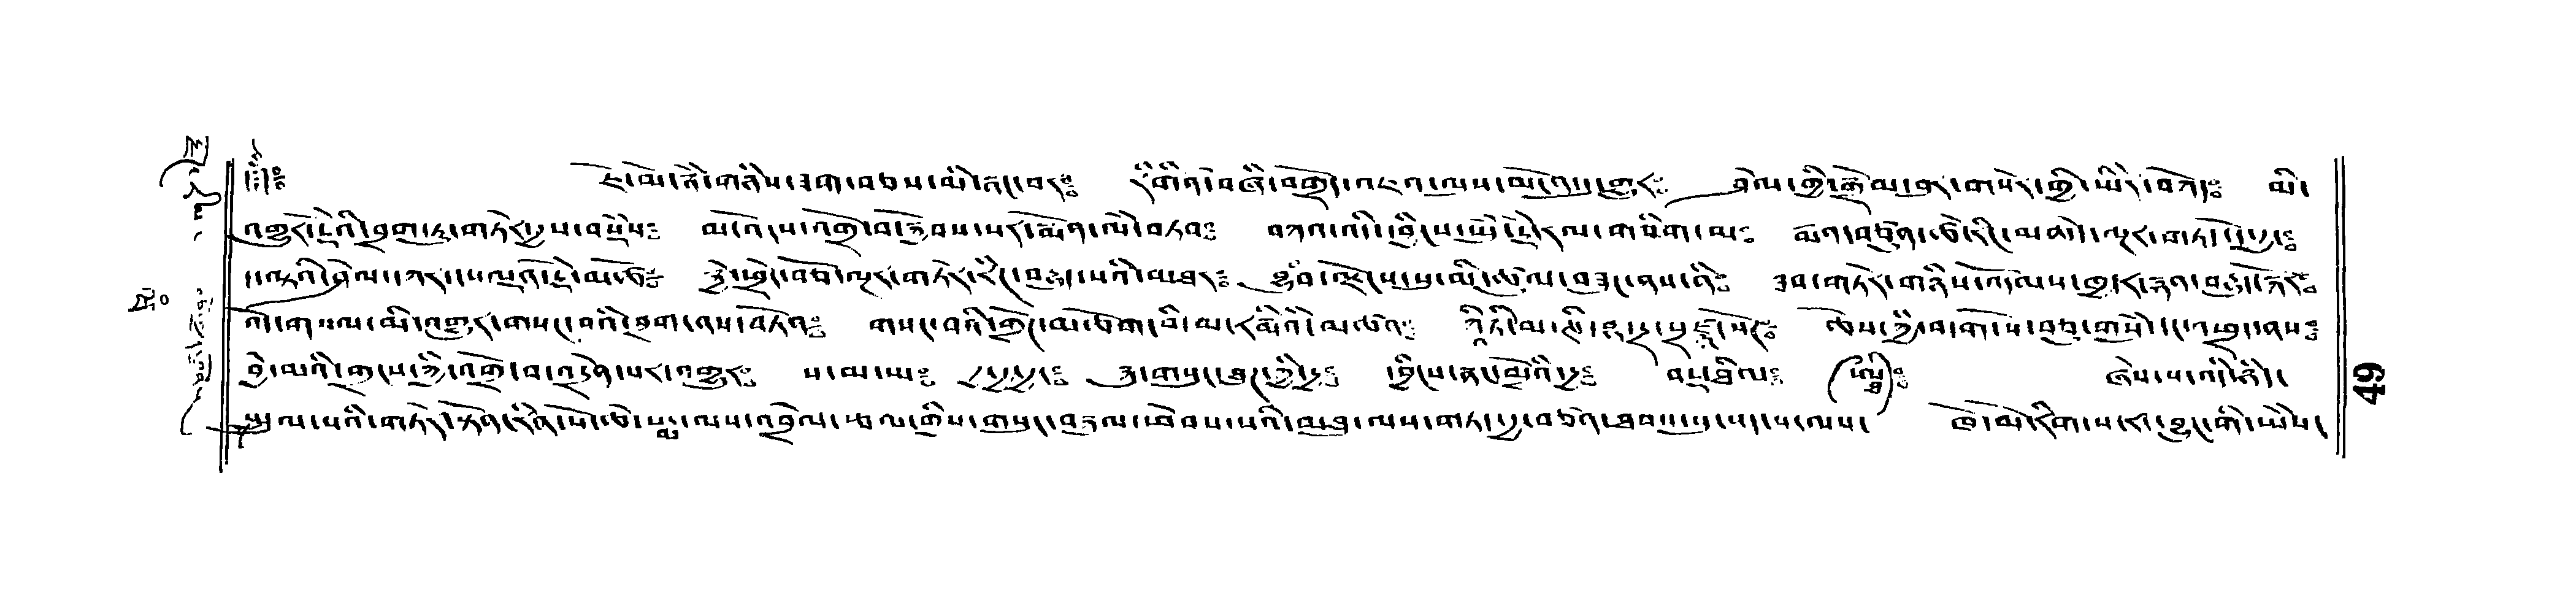ཇོ་མོ་རྣམ་གཉིས་ཟག་བཅས་མི་སྣང་བར༔ རིག་འཛིན་བཞི་བགྲོད་འཇའ་ལུས་མངོན་དུ་གྱུར༔ ཤེལ་གྱི་སྒྲོམ་བུར་གསེར་གྱི་ཡི་གེར་བཀོད༔ མི་
འགྱུར་རྡོ་རྗེའི་བྲག་ཏུ་གཏེར་རྒྱས་བསྡམས༔ མ་འོངས་འགྲོ་བ་སྐྱོབ་པར་སྨོན་ལམ་བཏབ༔ བཀའ་འདི་དབྱིངས་ཡུམ་རྡོ་རྗེ་རལ་གཅིག་མ༔ སྨན་བཙུན་ཚེ་རིང་མཆེད་ལྔར་གཏད་དོ་རྒྱ༔ 
ད་ལྟའི་ཤེལ་དཀར་དཔལ་ལྡན་རྡོ་རྗེ་མཚོ༔ སྐྱེ་ཕྲེང་བཅོ་ལྔར་གཏེར་རིགས་བརྒྱུད་པའི་མཐར༔ བྱང་ཆུབ་ལྗོངས་སུ་མི་ཚུལ་བཟུང་ནས་ནི༔ ཟབ་གཏེར་གཉིས་འདོམས་ཁྱད་པར་སྙན་བརྒྱུད་སྐོར༔ 
འོད་གསལ་མི་འགྱུར་གསང་བའི་བྲག་ནས་འདོན༔ གསང་བའི་གྲོགས་མཆོག་བཱི་མ་རསྨའི་མཚན༔ ཀཱིརྟི་མ་ཎི་བྷ་དྲ་པྲཛྙཱ་སོགས༔ ཆོས་ཀྱི་བདག་པོ་བཅུ་གསུམ་དང་ཕྲད་ནས༔ 
བྱེ་མའི་གྲངས་ཀྱི་འགྲོ་བ་འདྲེན་པར་འགྱུར༔ ས་མ་ཡ༔ རྒྱ་རྒྱ་རྒྱ༔ སྐུ་གསུང་ཐུགས་ཀྱི་རྒྱ༔ དབྱིངས་སྣང་མཁའ་འགྲོའི་རྒྱ༔ བརྡ་ཐིམ༔ ༔ ཞེས་པ་འདི་ཉིད་
སྤྲུལ་པའི་གཏེར་སྟོན་རིན་པོ་ཆེ་པདྨ་ལས་འབྲེལ་རྩལ་གྱིས་གསུང་བསྐུལ་ཕེབས་པའི་མཐུ་ལས་གཏད་རྒྱ་བཙན་ཐབས་སུ་སད་པ་ལས། ཁོ་མོ་རིག་པ་རང་བྱུང་གི་ཡེ་ཤེས་